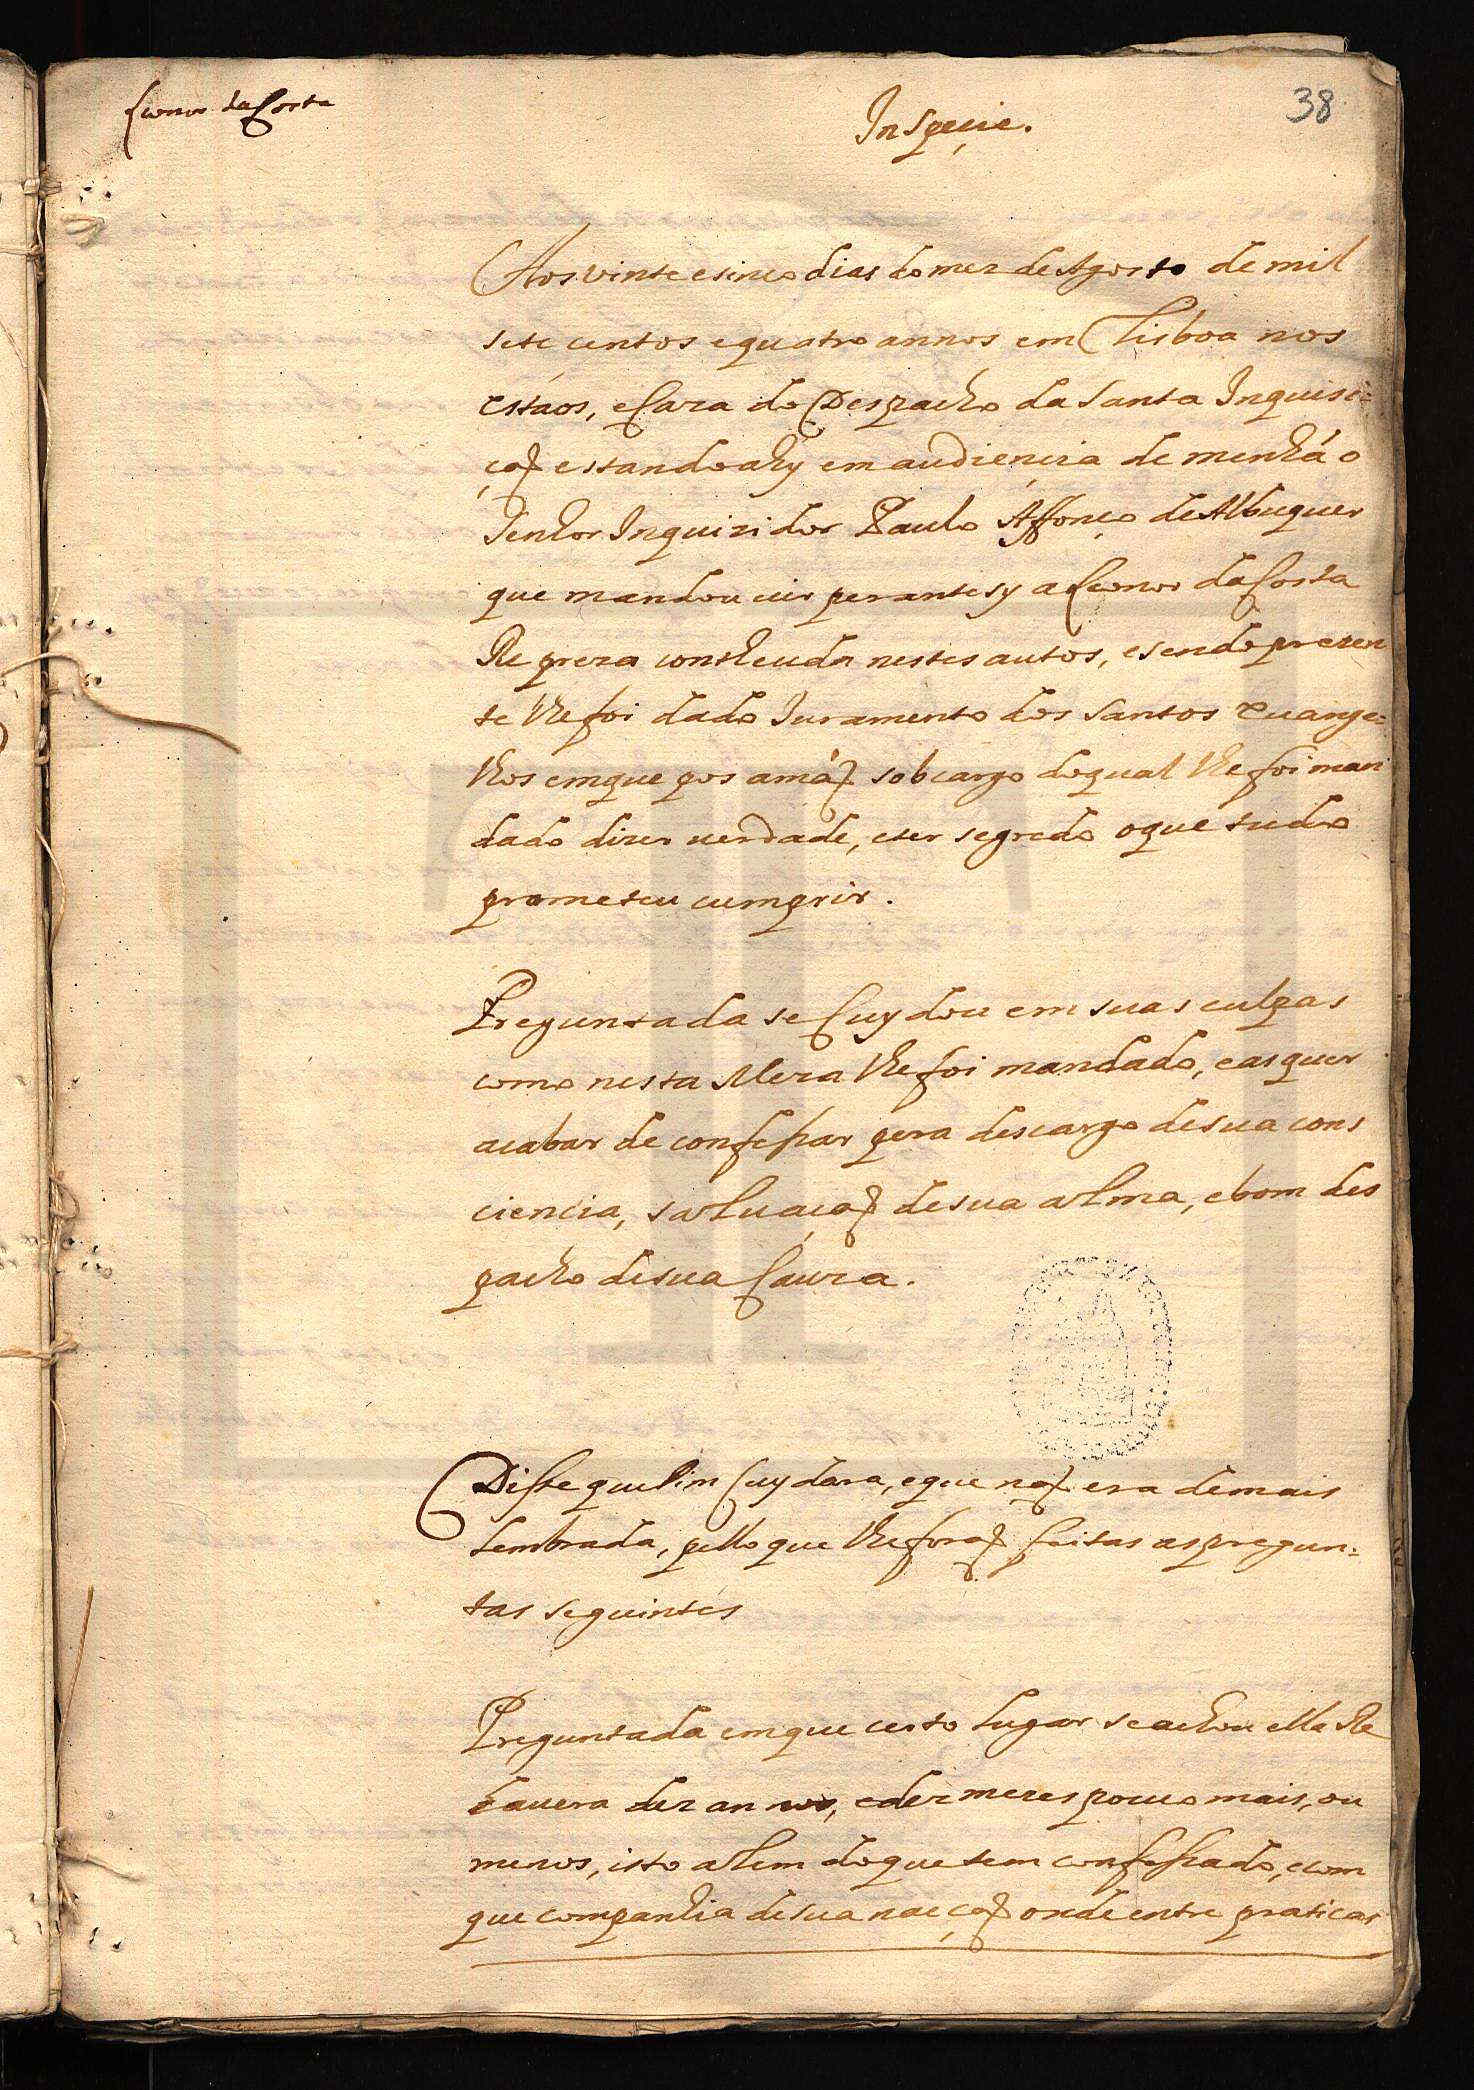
In speçie
Aos vinte e sinco dias do mes de Agosto de mil
seteçentos e quatro annos em Lisboa nos
estaos, e Caza do Despacho da Santa Inquisi
çaõ estando ahy em audiençia de menhã o
Senhor Inquizidor Paulo Affonço de Albuquer
que mandou uir perante sy a Leonor da Costa
Re preza contheuda nestes autos, e sendo prezen
te lhe foi dado Juramento dos Santos euange
lhos em que pos a maõ sob cargo do qual lhe foi man
dado dizer uerdade, e ter segredo o que tudo
prometeu cumprir.
Preguntada se Cuydou em suas culpas
como nesta Meza lhe foi mandado, e as quer
acabar de confessar pera descargo de sua cons
ciencia, saluação de sua alma, e bom des
pacho de sua Cauza.
Disse que sim Cuydava, e que não era demais
lembrada, pello que lhe foraõ feitas as pregun
tas seguintes
Preguntada em que certo lugar se achou ella Re
hauera dez annos, e dez mezes pouco mais, ou
menos, isto alem do que tem confessado, e com
que companhia de sua nacção onde entre praticas
